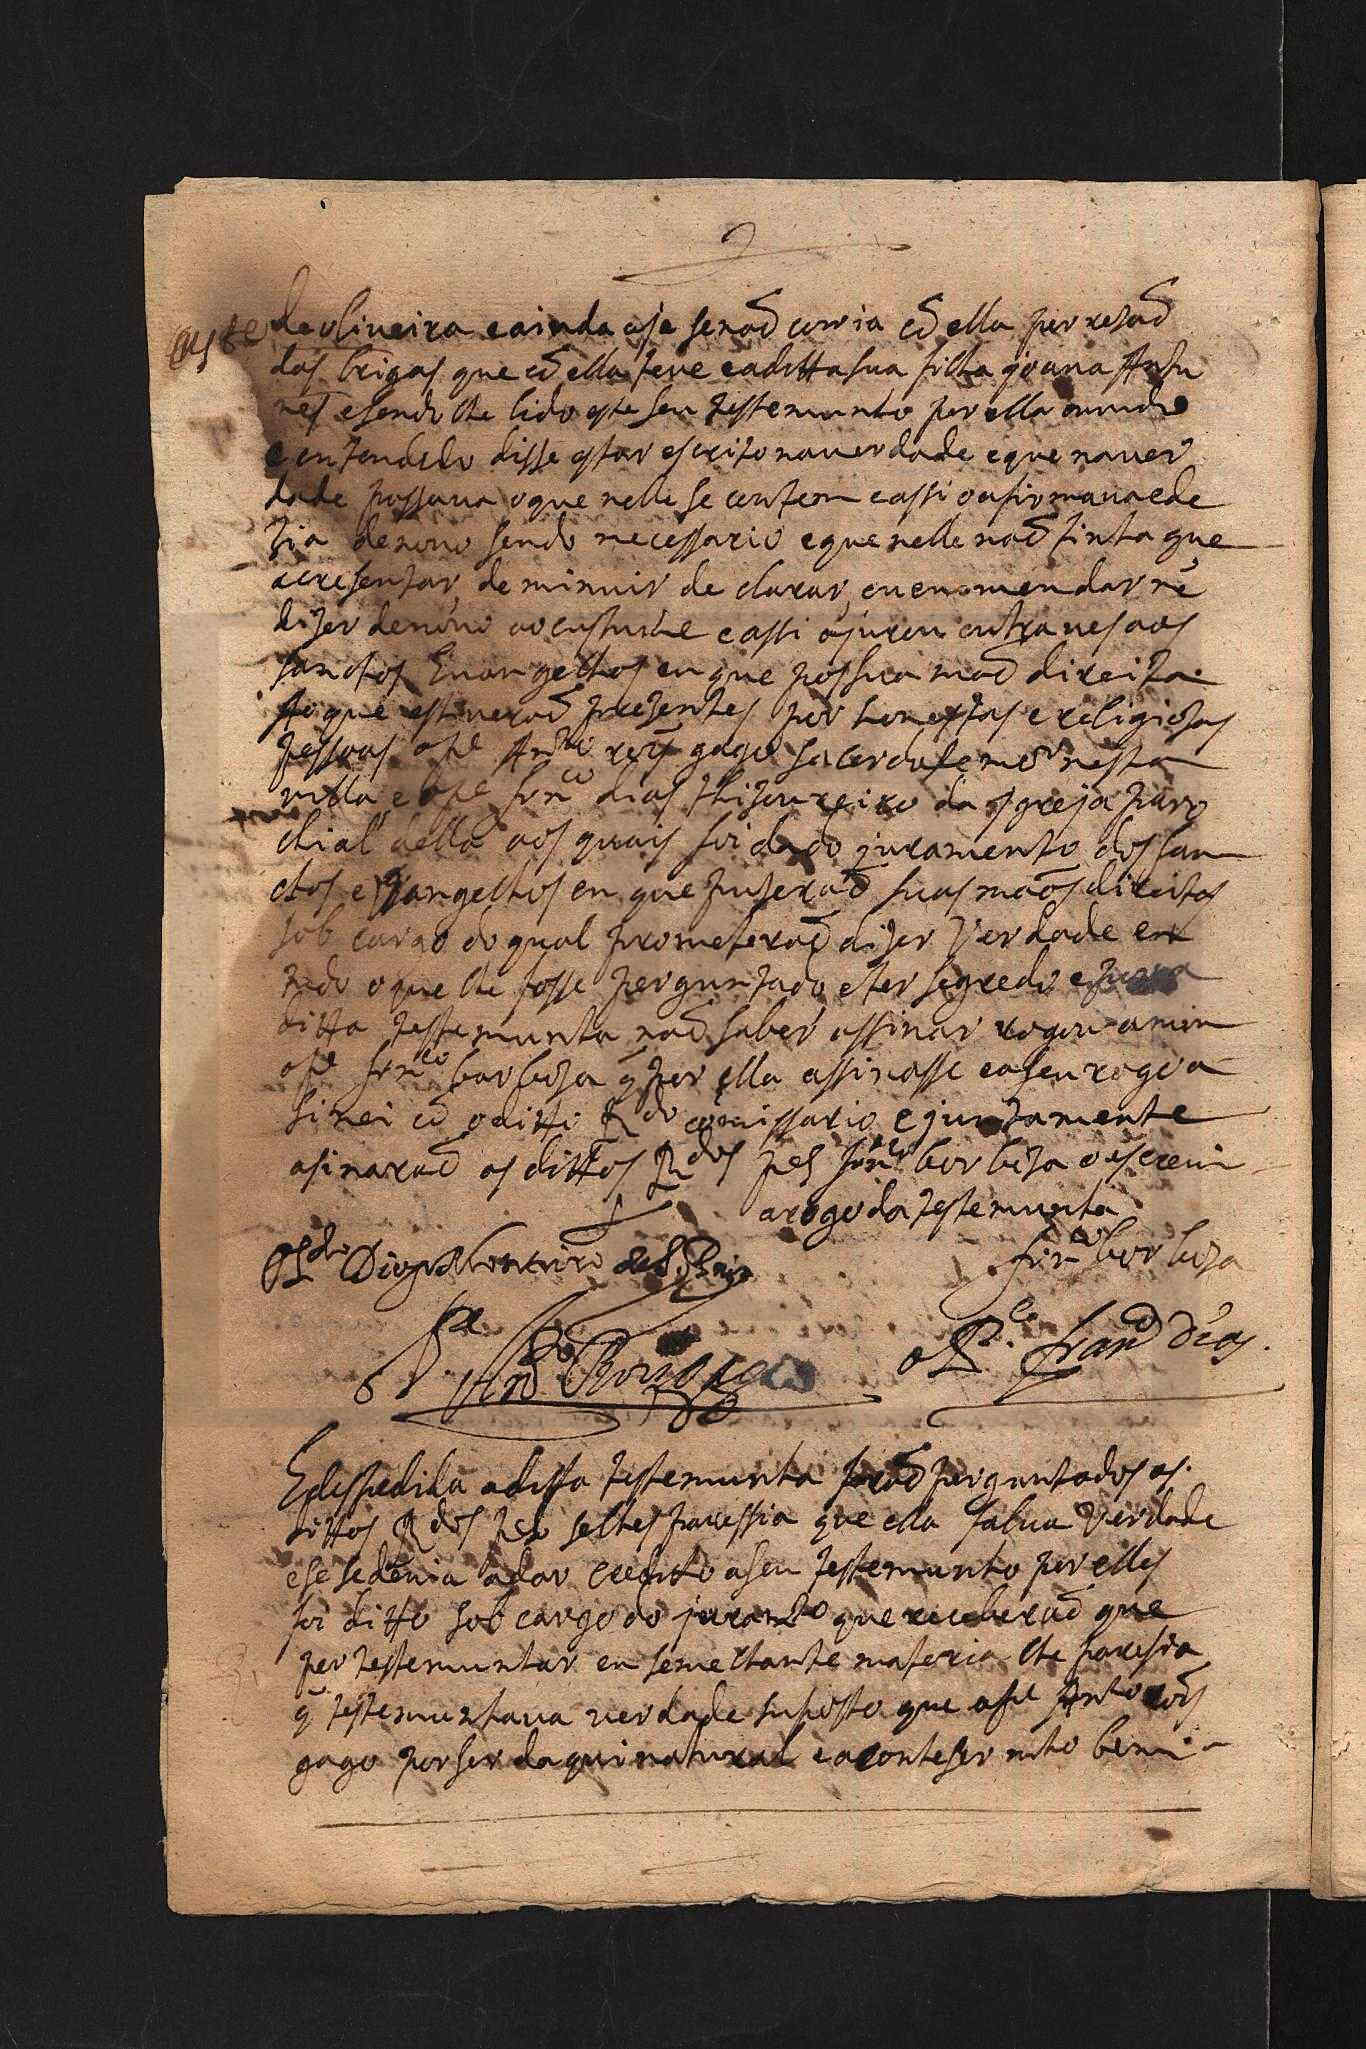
de oliueira e ainda aja se naõ corria cō ella per rezaõ
custe
das brigas que cō ella teue e a ditta sua filha joana Antu
nes e sendolhe lido este seu testemunho por ella ouuido
e entendido disse estar escrito na uerdade e que na uer
dade passaua o que nelle se contem, e assi o afirmaua e de
zia de nouo sendo necessario e que nelle naõ tinha que
acresentar deminuir declarar, ou emmendar nē
dizer de nouo ao custume e assi o jurou outra ues aos
sanctos Euangelhos en que pos sua maõ direita
Ao que estiueraõ prezentes por honestas e religiozas
pessoas o Pe Anto reīs gago sacerdote mor nesta
villa e o pe frnco dias thizoureiro da Jgreja paro
chial della aos quais foi dado juramento dos san
ctos evangelhos en que puseraõ suas mãos direitas
sob cargo do qual prometeraõ dizer Verdade en
tudo o que lhe fosse perguntado e ter segredo e por a
ditta testemunha naõ saber assinar rogou a min
o pe frnco barboza q̄ per ella assinasse e a seu rogo a
sinei cō o ditto Rdo comissario e juntamente
asinaraõ os dittos Rdos pes frnco barboza o escreui
a rogo da testemunha
frnco barboza
O Ldo Diogo Monteiro de S. Payo
o P.e fran.co dias.
o P.e Anto Roiz̄ gag_
E despedida a ditta testemunha foraõ perguntados os
dittos Rdos pes se lhes paressia que ella falua verdade
e se se deuia a dar credito a seu testemunho por elles
foi ditto sob cargo do juramto que receberaõ que
per testemunhar en semelhante materia lhe paresia
q̄ testemunhaua verdade suposto que o pe Anto roīs
gago por ser daqui natural e a conheser mto bem.
